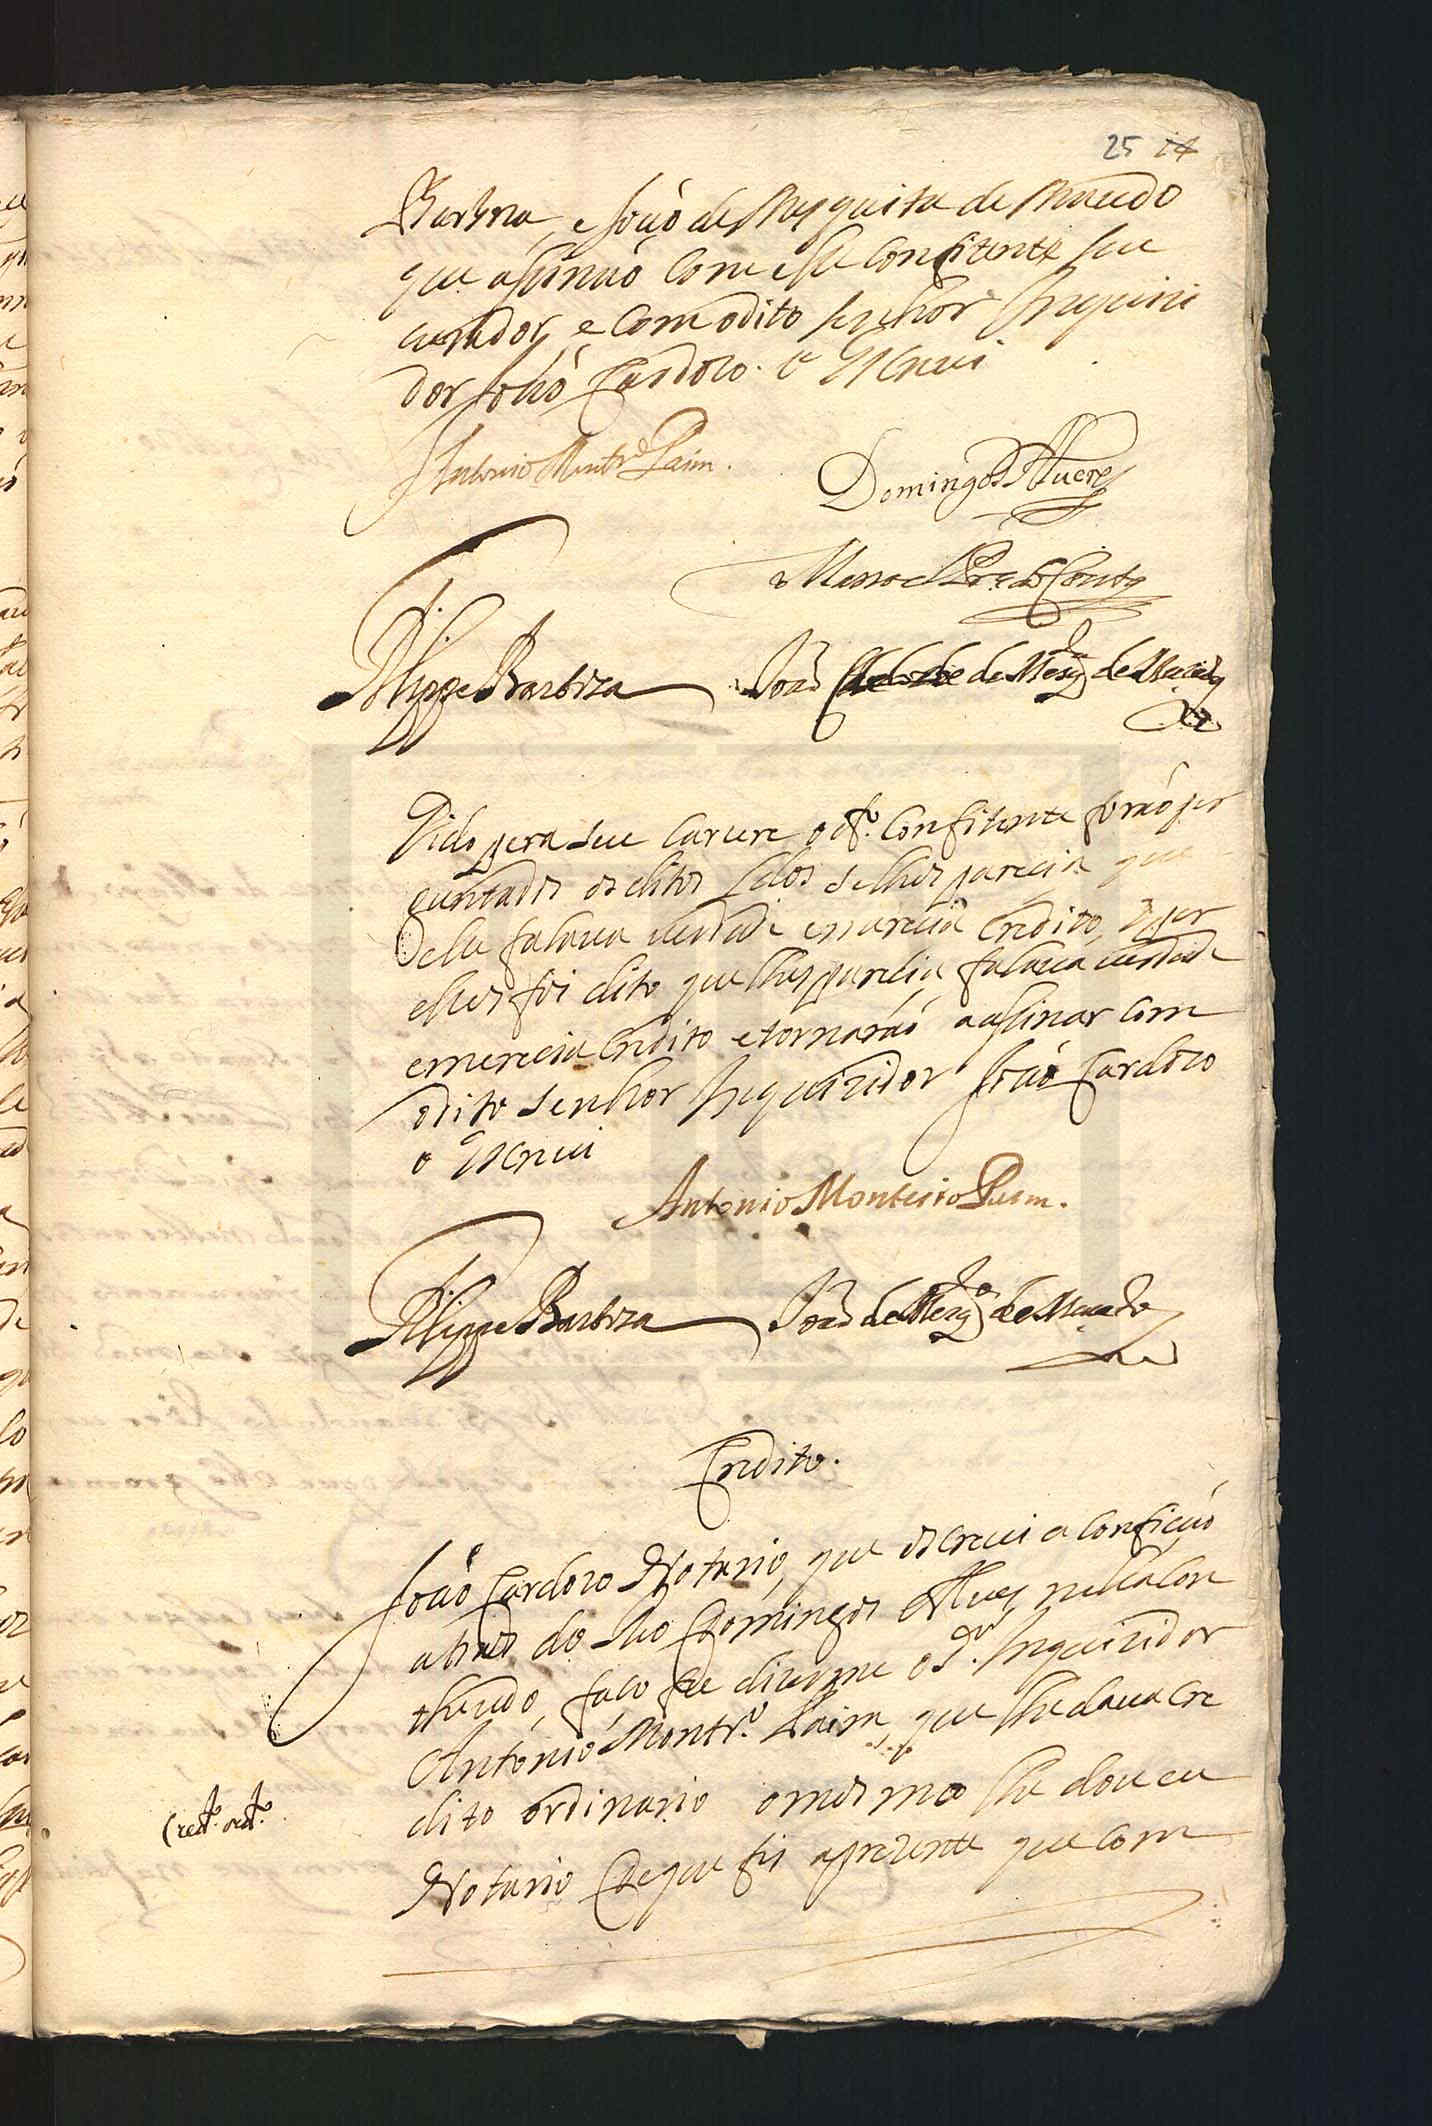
Cred̄.o ord̄.o
Barboza, e Joaõ de Mesquita de Macedo
que assinaõ com elle confitente seu
curador e com o dito senhor Jnquizi
dor Joaõ Cardozo. O Escreui
Antonio Montro Paim
Domingos Alueres
Manoel Pr.a do Couto
Filippe Barboza Joaõ Cardozde de Mesqta de Macedo
E ido pera seu carcere o d̄.o Confitente foraõ per
guntados os ditos Ldos se lhos parecia qu
elle falaua uerdade e merecia credito, E por
elles foi dito que lhes parecia falaua uerdade
e merecia Credito e tornaraõ a assinar com
o dito senhor Inquizidor Joaõ Cardozo
o Escreui
Antonio Monteiro Paim.
Ioaõ de Mesq.ta de Maçado
Filippe Barboza
Credito.
Joaõ Cardozo Notario, que escreui a Confiçaõ
atras do Reo Domingos Alues nella con
theudo, faço fee dizer me o s.or Inquizidor
Antonio Montr.o Paim, que lhe daua cre
dito ordinario o mesmo lhe dou eu
Notario De que fis a prezente que com
